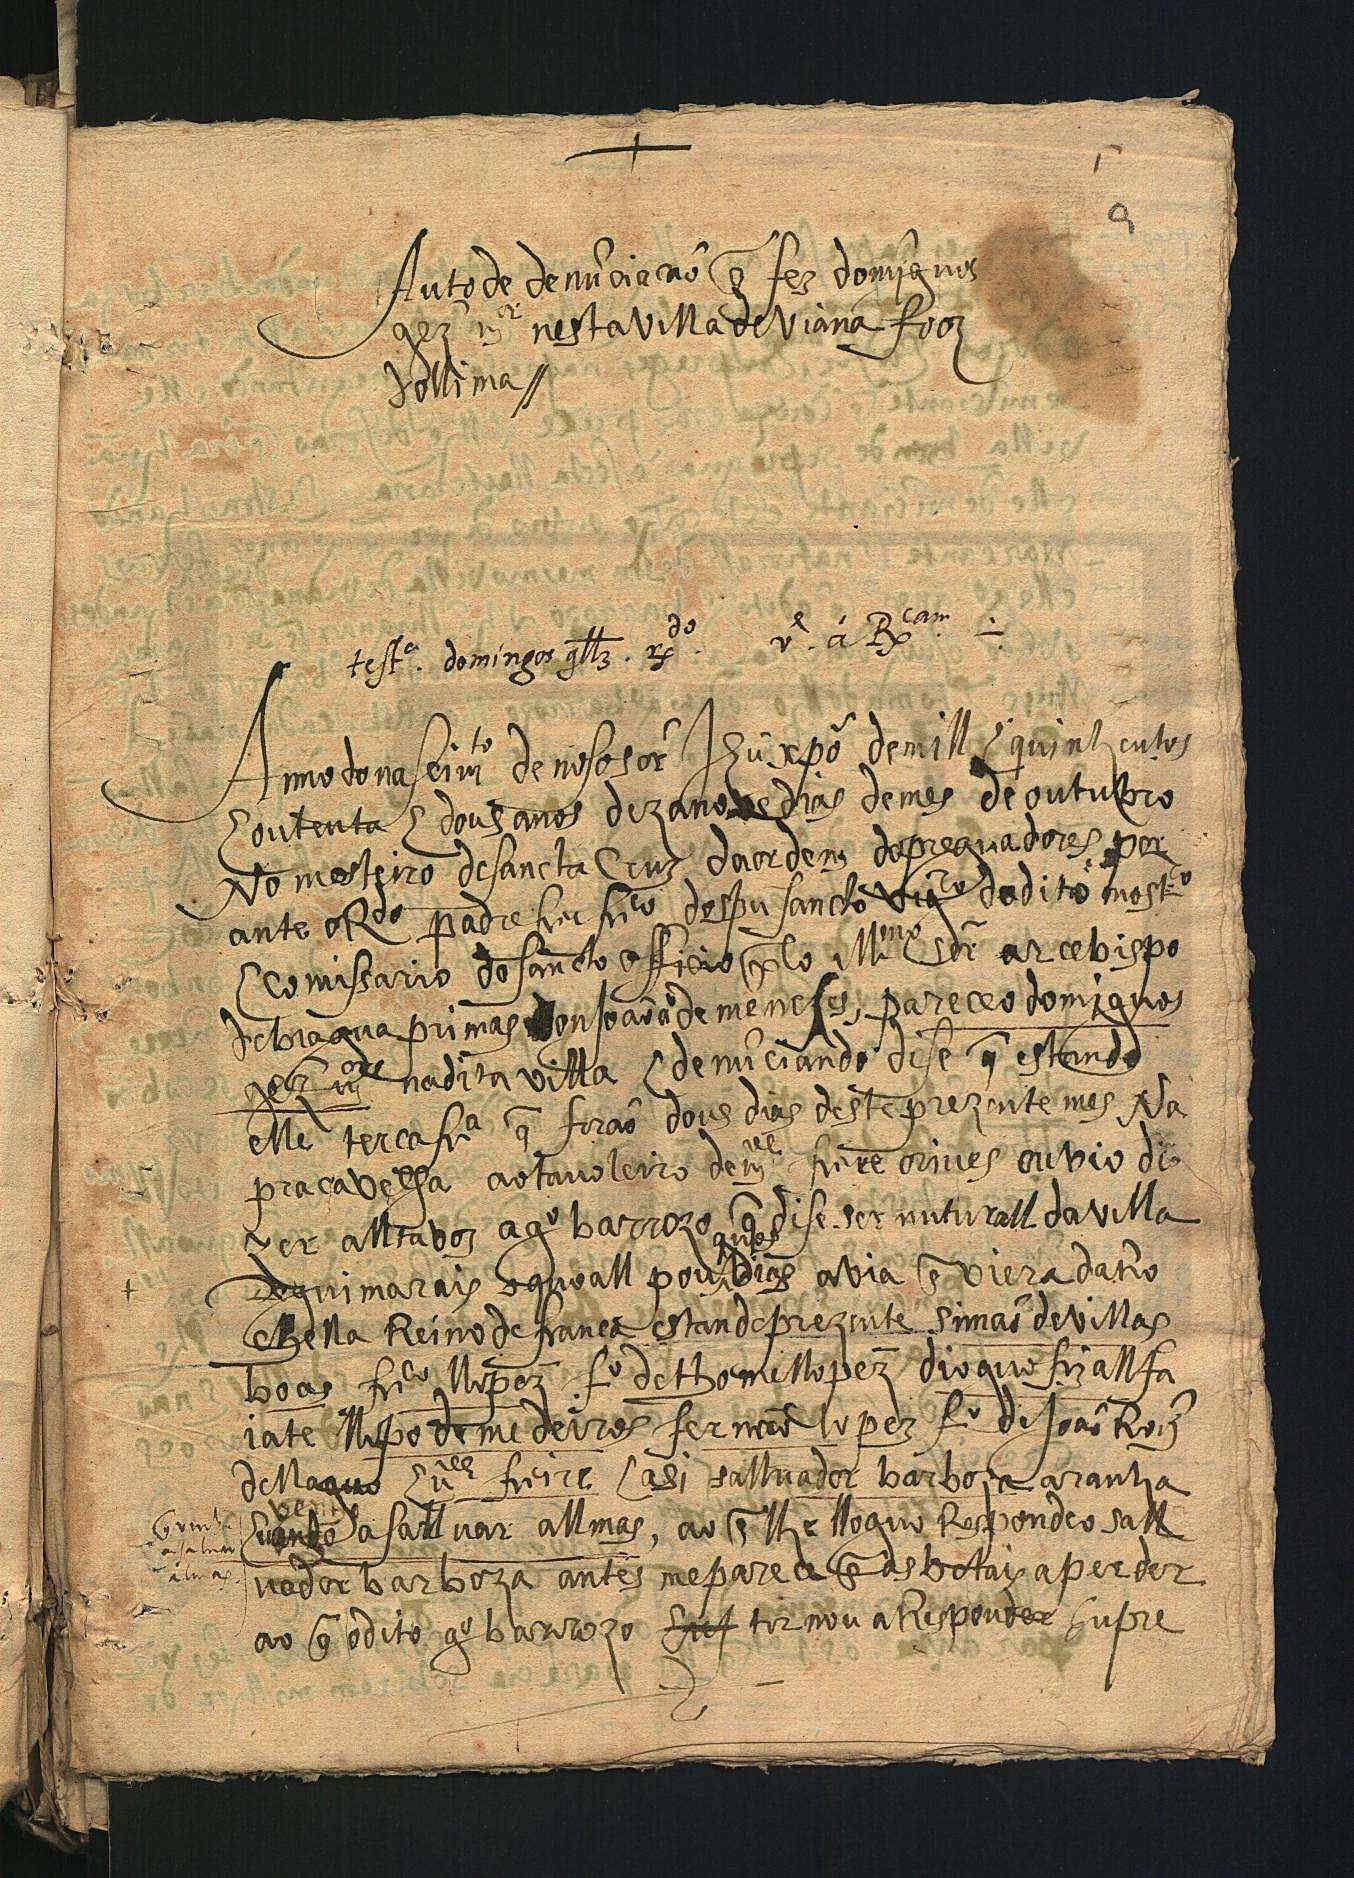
q̄ vinha
a saluar
almas.
Auto de denūciaçaõ q̄ fez domj̄guos
gez̄ mor nesta Villa de Viana fooz
do llima //
testa. domingo gl̄lz. rꝭdo.
ve. a Rꝭçam
Anno do nascimto de noso sor̄ Jhū xpō de mill E quinhentos
E outenta E dous anos dezanove dias de mes de outubro
No mosteiro de sancta Cruz da ordem de preguadores per
ante o Rdo padre frco do spu sancto vigro do dito mostro
E comissario do sancto officio p̄lo illmo sor̄ arcebispo
de bragua primas Don João de meneses, pareceo domjguos
gez̄ mor na dita villa E denūciando dise q̄ estando
elle terça fra q̄ forão dous dias deste prezente mes Na
praça velha ao tauoleiro de mel frere oriues ouvio di
zer allta voz a go barrozo q̄ dise ser naturall da villa
De guimarais o quoall pouquo dias avia q̄ viera da Ro
chella Reino de frança estando prezente simaõ de villas
boas frco llopez fo de thome llopez̄ dioguo frz̄ allfa
iate llopo de medeiros fernão lopez fo de Joaõ Roiz̄
de llaguo E mel freire E asi salluador barboza aranha
Eu ando
venho
a saluar allmas, ao q̄ lhe lloguo Respondeo sall
uador barboza antes me pare q̄ as botais a perder
ao q̄ o dito go barrozo Eu/ tornou a Responder Eu pre
